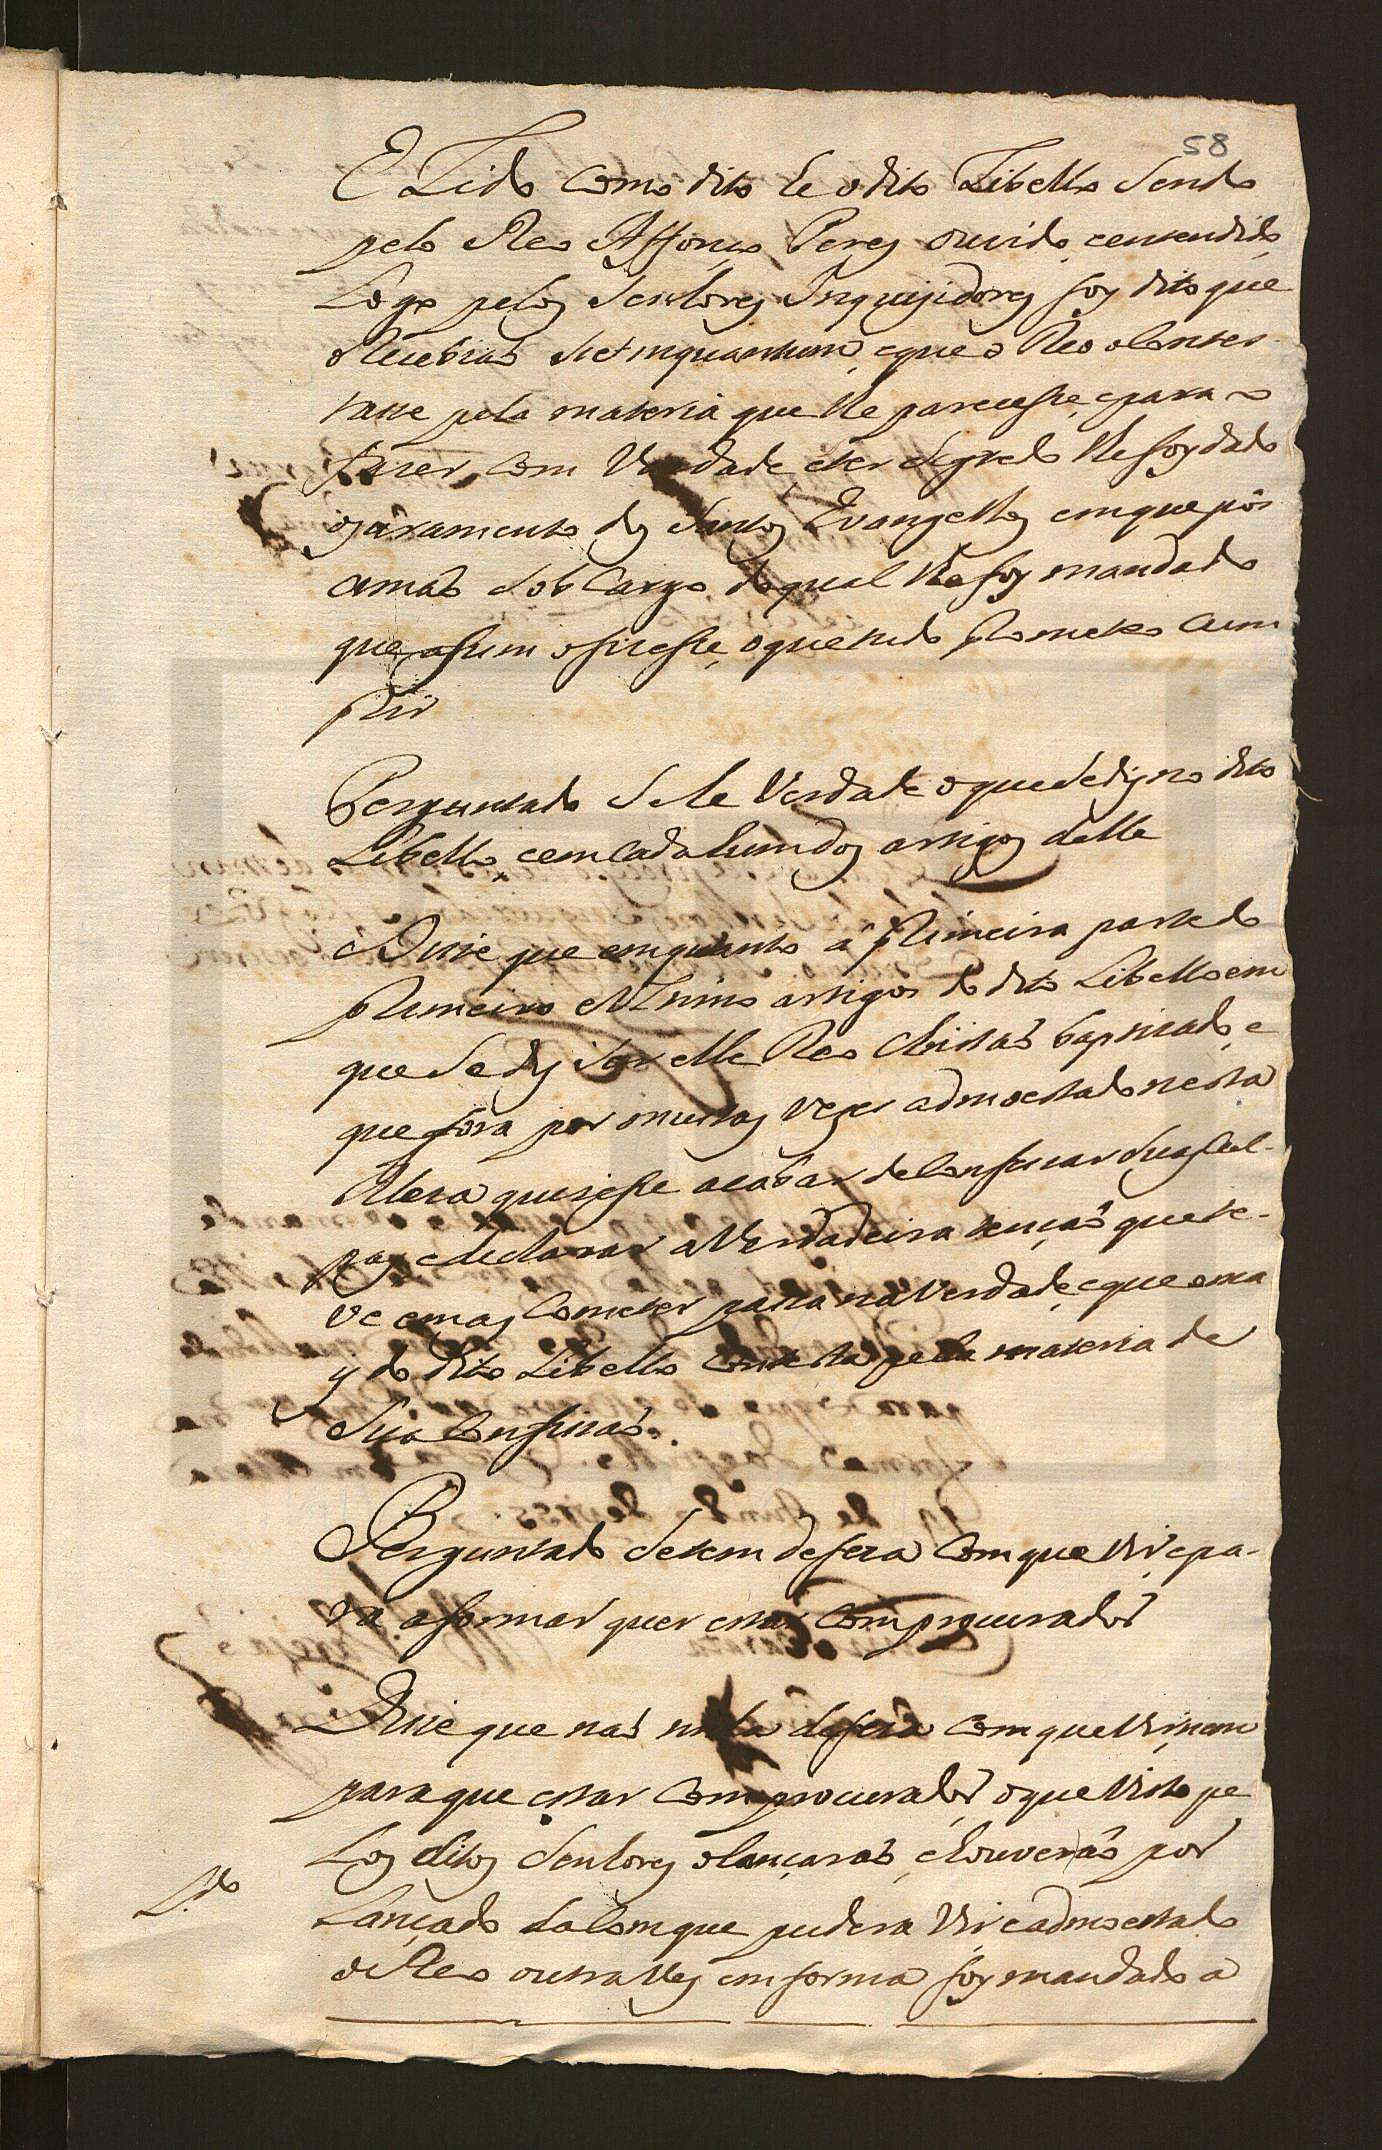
E Lido como dito he o dito Libello sendo
pelo Reo Affonço Peres ouvido, e entendido
Logo pelos senhores Inquisidores foy dito que
o Recebiaõ si et inquantum, e que o Reo o Contes
tasse pela materia que lhe parecesse, e para
Fazer, com Verdade e ter segredo lhe foy dado
o juramento dos Santos Evangelhos em que pôs
a maõ sob cargo do qual lhe foy mandado
que assim o fizesse, o que tudo prometeo cum
prir
Perguntado se he Verdade o que se dis no dito
Libello, e em cada hum dos artigos delle
Disse que emquanto à pRimeira parte do
pRimeiro e VLtimo artigos do dito Libello em
que se dis ser elle Reo christaõ baptizado, e
que fora por muitas vezes admoestado nesta
Meza quizesse acabar de Confessar suas Cul
pas e declarar a Verdadeira tençaõ que te
ve em as Cometer passa na verdade, e que o ma
is do dito Libello Contesta pela materia de
sua confissaõ.
Perguntado se tem defeza Com que vir, e pa
ra a formar quer estar com procurador
Disse que naõ ti_a defeza com que vir, nem
para que estar com procurador o que visto pe
Los ditos Senhores o lançaraõ, e houveraõ por
L.do
Lançado da Com que pudera vir, e admoestado
o Reo outra ves em forma foy mandado a
